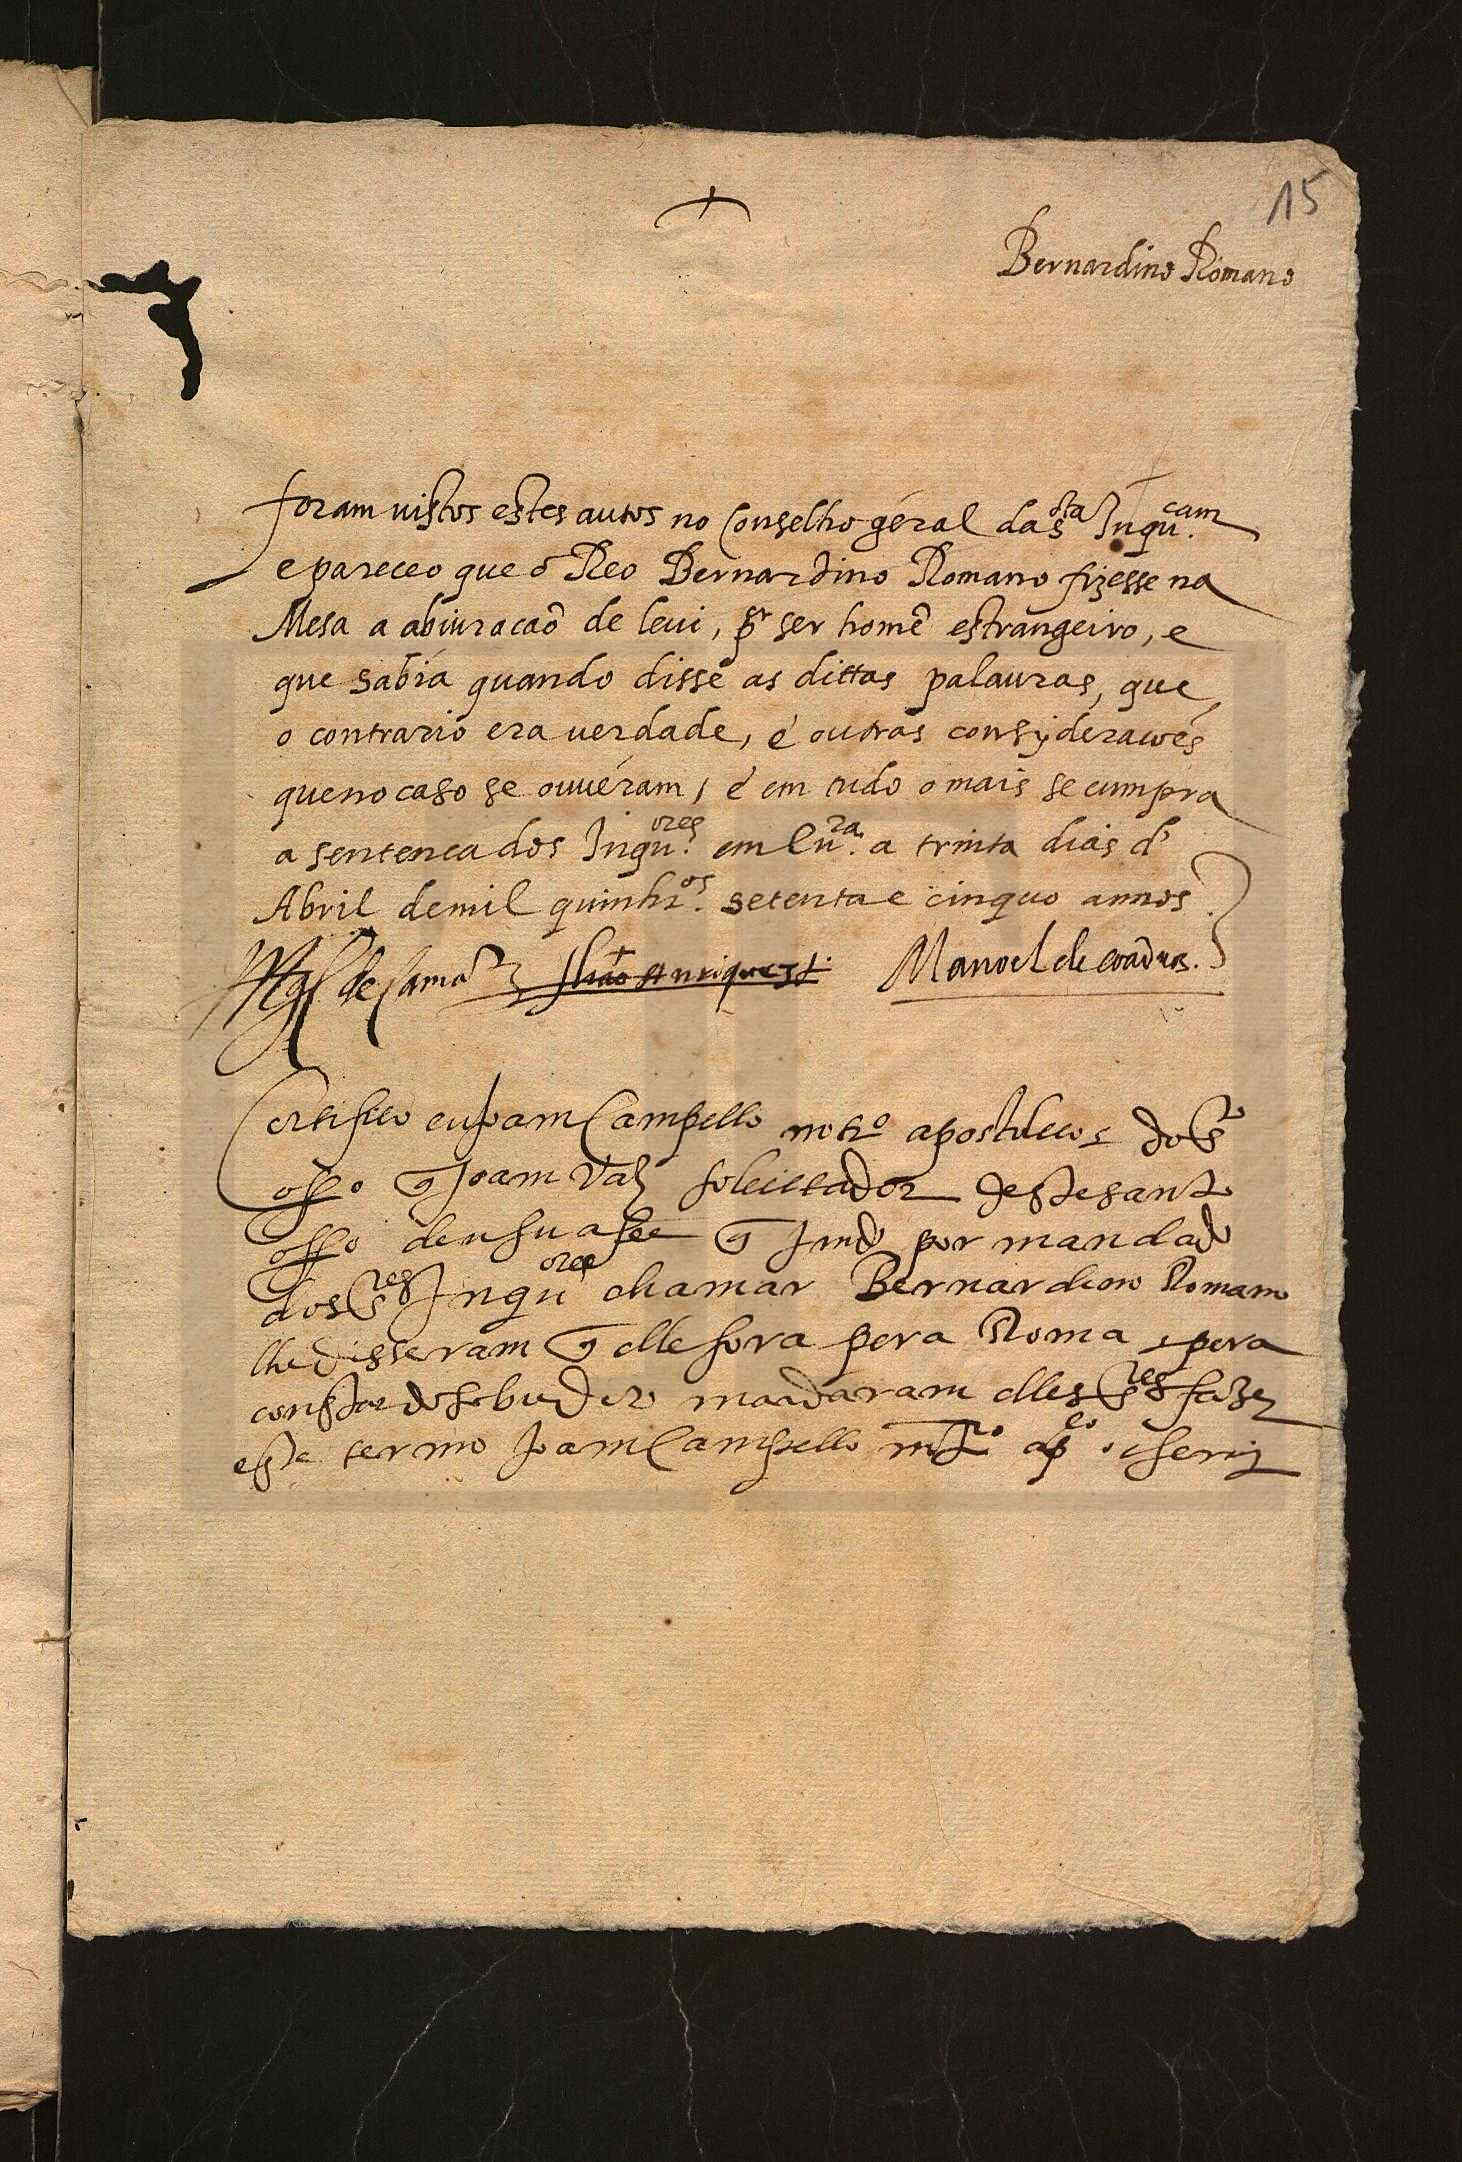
Bernardino Romano
foram uistos estes autos no Conselho geral da sta Inqu.çam
e pareceo que o Reo Bernardino Romano fizesse na
Mesa a abiuração de leui, por ser homē estrangeiro, e
que sabia quando disse as dittas palauras, que
o contrario era uerdade, e outras consyderaçoẽs
que no caso se ouueram / e em tudo o mais se cumpra
a sentença dos Inqu.ores Eur.a a trinta dias d'
Abril de mil quinhtos. setenta e cinquo annos
Manoel de coadros.
Certifico eu Joam Campello notro apostolico E do sto
offo q̄ Joam Vaz solicitador deste santo
offo deu sua fee q̄ Jmdo por mandado
dos sres Jnquores chamar Bernardino Romano
lhe disseram q̄ elle fora pera Roma e pera
constar do sobredito mandaram elles sres fazer
este termo Joam Campello notro apco o escruj
